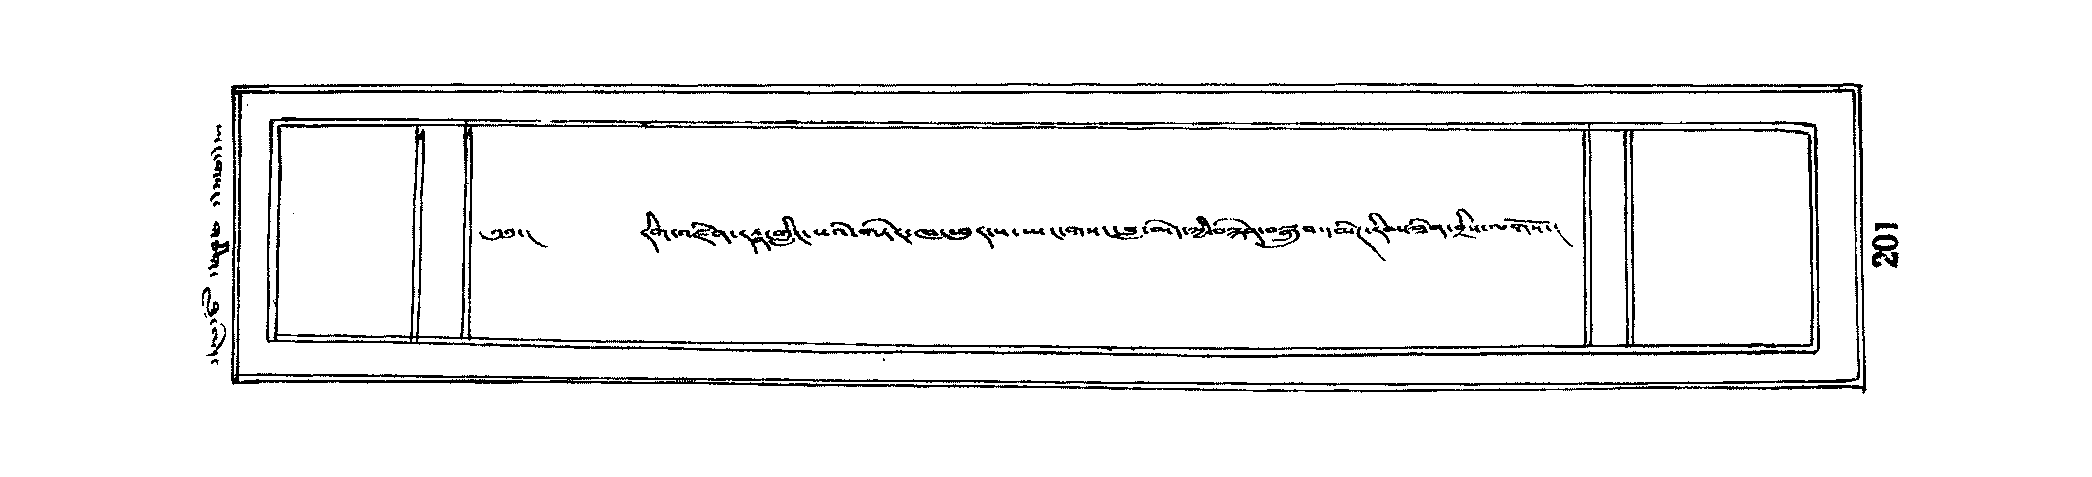༄༅། རིག་འཛིན་རཏྣ་གླིང་པའི་གཏེར་ཁ་ཕུར་པ་ཡང་གསང་བླ་མེད་ཀྱི་བསྙེན་བསྒྲུབ་དམིགས་རིམ་ཟིན་བྲིས་ལགས་སོ།།